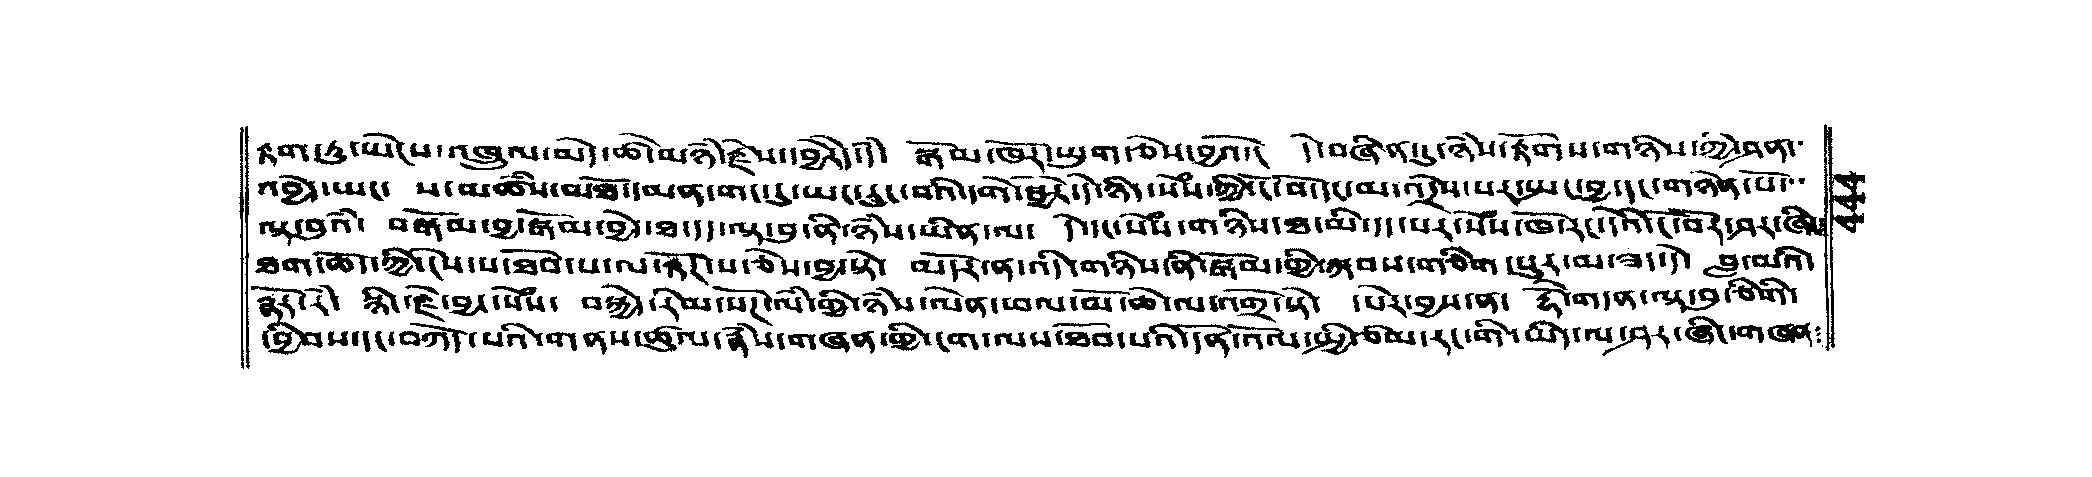རྟག་ཏུ་ཡེངས་འཁྲུལ་མེད་ཚེ་མཉམ་རྗེས་དབྱེར་མེད་དམ། སྒོམ་ཁོར་ཡུག་ཅེས་བྱའོ། དེ་བཞིན་དུ་ཉམས་རྟོགས་གཉིས་ཀྱི་ཤན་
འབྱེད་ཀྱང་། ས་མཚམས་མཐོ་དམན་གང་དུ་ཡང་རུང་བའི་དགེ་སྦྱོར་དེ་ཉིད་སེམས་ཀྱི་ངོ་བོ་དང་མ་འདྲེས་པར་སྤང་བྱ་དང་གཉེན་པོ་
ལྟ་བུའམ། བསྒོམ་བྱ་སྒོམ་བྱེད་ཐ་དད་ལྟ་བུ་ནི་ཉམས་ཡིན་ལ། དེ་དང་སེམས་གཉིས་ཐ་མི་དད་པར་སེམས་ཁོ་རང་དེའི་ངོ་བོར་ཤར་ཞིང་
ཐག་ཆོད་ཀྱི་ངེས་པ་ཐོབ་པ་ལ་རྟོགས་པ་ཞེས་བྱ་སྟེ།མདོར་ན་འདི་གཉིས་ནི་སྒོམ་གྱི་སྐབས་གཅིག་པུར་མ་ཟད་དེ། བླ་མའི་
རྣལ་འབྱོར་རམ། སྙིང་རྗེ་བྱང་སེམས། བསྐྱེད་རིམ་སོགས་ལམ་གྱི་ཉམས་ལེན་ཕལ་མོ་ཆེ་ལ་འགྲོ་སྟེ། དཔེར་བྱས་ན། རྡོ་རྗེ་གདན་ལྟ་བུ་གཅིག་གི་
དབྱིབས་དང་བཀོད་པའི་གནས་ཚུལ་རྣམས་གཞན་གྱི་ངག་ལས་ཐོབ་པའི་དོན་འོལ་སྤྱི་ཙམ་རང་གི་ཡིད་ལ་ཤར་ཞིང་གཞན་